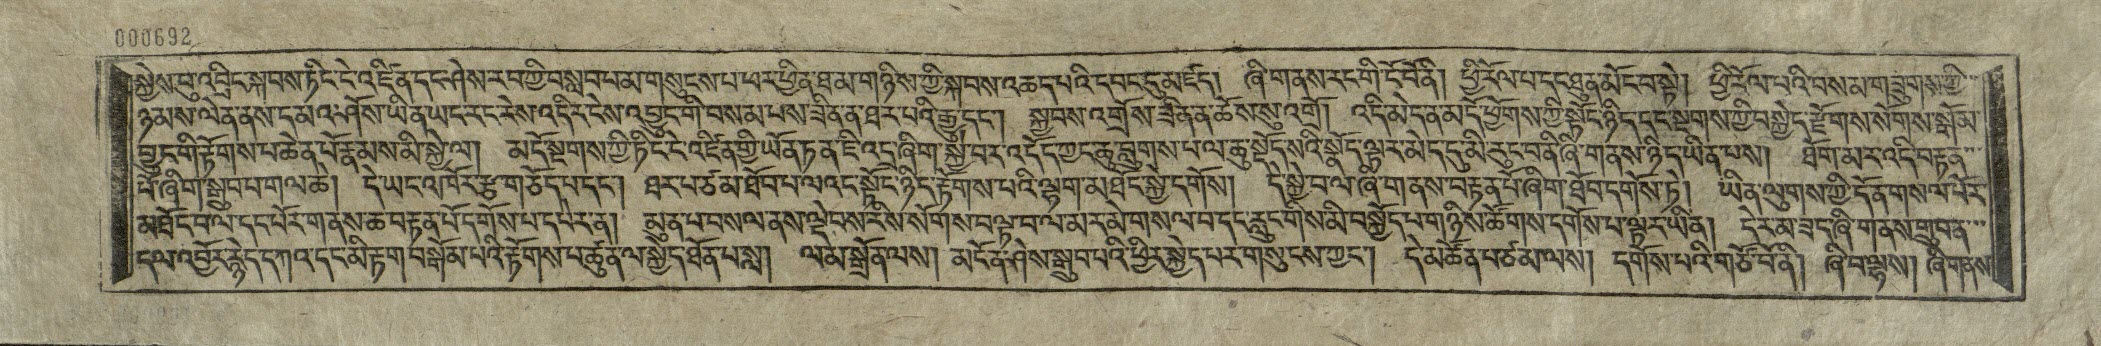སྐྱེས་བུ་འབྲིང་སྐབས་ཏིང་ངེ་འཛིན་དང་ཤེས་རབ་ཀྱི་བསླབ་པ་མ་གསུངས་པ་ཕར་ཕྱིན་ཐ་མ་གཉིས་ཀྱི་སྐབས་འཆད་པའི་དབང་དུ་མཛད། ཞི་གནས་རང་གི་ངོ་བོ་ནི། ཕྱི་རོལ་པ་དང་ཐུན་མོང་བ་སྟེ། ཕྱི་རོལ་པའི་བསམ་གཟུགས་ཀྱི་
ཉམས་ལེན་ནས་དམའ་ཤོས་ཡིན་ཡང་རང་རེས་འདིར་ངེས་འབྱུང་གི་བསམ་པས་ཟིན་ན་ཐར་པའི་རྒྱུ་དང་། སྐྱབས་འགྲོས་ཟིན་ན་ཆོས་སུ་འགྲོ། འདི་མེད་ན་མདོ་ཕྱོགས་ཀྱི་སྟོང་ཉིད་དང་སྔགས་ཀྱི་བསྐྱེད་རྫོགས་སོགས་སྒོམ་
བྱུང་གི་རྟོགས་པ་ཆེན་པོ་རྣམས་མི་སྐྱེ་ལ། མདོ་སྔགས་ཀྱི་ཏིང་ངེ་འཛིན་གྱི་ཡོན་ཏན་ཇི་འདྲ་ཞིག་སྐྱེ་བར་འདོད་ཀྱང་ཆུ་བླུགས་པ་ལ་ཆུ་སྡོད་སའི་སྣོད་ལྟར་མེད་དུ་མི་རུང་བ་ནི་ཞི་གནས་ཉིད་ཡིན་པས། ཐོག་མར་འདི་བརྟན་
པོ་ཞིག་སྒྲུབ་པ་གལ་ཆེ། དེ་ཡང་འཁོར་རྩ་གཅོད་པ་དང་། ཐར་པ་ཙམ་ཐོབ་པ་ལའང་སྟོང་ཉིད་རྟོགས་པའི་ལྷག་མཐོང་སྐྱེ་དགོས། དེ་སྐྱེ་བ་ལ་ཞི་གནས་བརྟན་པོ་ཞིག་ཐོབ་དགོས་ཏེ། ཡིན་ལུགས་ཀྱི་དོན་གསལ་པོར་
མཐོང་བ་ལ་དང་པོར་གནས་ཆ་བརྟན་པོ་དགོས་པ་དཔེར་ན། མུན་པ་བསལ་ནས་ལྡེབས་རིས་སོགས་བལྟ་བ་ལ་མར་མེ་གསལ་བ་དང་རླུང་གིས་མི་བསྐྱོད་པ་གཉིས་ཚོགས་དགོས་པ་ལྟར་ཡིན། དེར་མ་ཟད་ཞི་གནས་གྲུབ་ན་
དལ་འབྱོར་རྙེད་དཀའ་དང་མི་རྟག་བསྒོམ་པའི་རྟོགས་པ་ཚུན་ལ་སྐྱེད་ཐོན་པ་སླ། ལམ་སྒྲོན་ལས། མངོན་ཤེས་སྒྲུབ་པའི་ཕྱིར་སྐྱེད་པར་གསུངས་ཀྱང་། དེ་མཚོན་པ་ཙམ་ལས། དགོས་པའི་གཙོ་བོ་ནི། ཞི་བ་ལྷས། ཞི་གན་